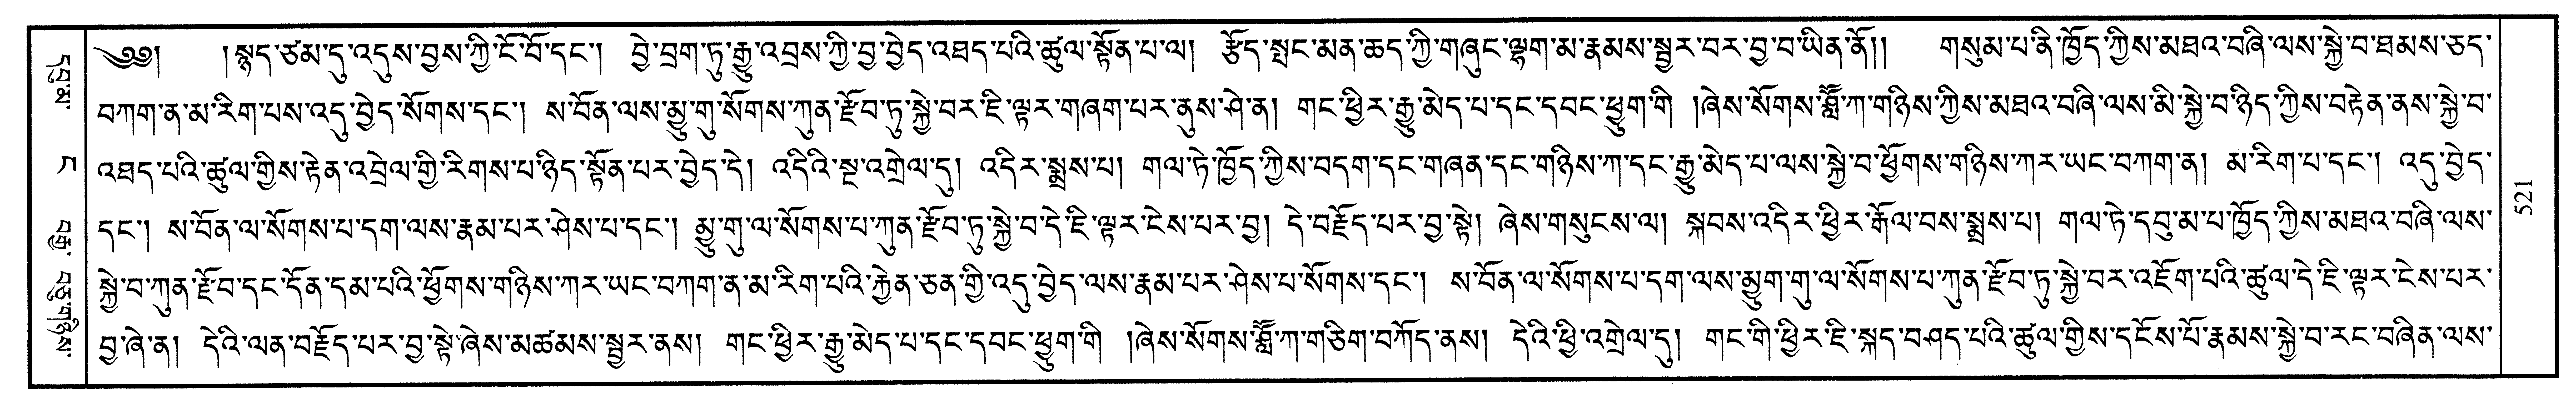༄༅། །སྙད་ཙམ་དུ་འདུས་བྱས་ཀྱི་ངོ་བོ་དང་། བྱེ་བྲག་ཏུ་རྒྱུ་འབྲས་ཀྱི་བྱ་བྱེད་འཐད་པའི་ཚུལ་སྟོན་པ་ལ། རྩོད་སྤང་མན་ཆད་ཀྱི་གཞུང་ལྷག་མ་རྣམས་སྦྱར་བར་བྱ་བ་ཡིན་ནོ།། གསུམ་པ་ནི་ཁྱོད་ཀྱིས་མཐའ་བཞི་ལས་སྐྱེ་བ་ཐམས་ཅད་
བཀག་ན་མ་རིག་པས་འདུ་བྱེད་སོགས་དང་། ས་བོན་ལས་མྱུ་གུ་སོགས་ཀུན་རྫོབ་ཏུ་སྐྱེ་བར་ཇི་ལྟར་གཞག་པར་ནུས་ཤེ་ན། གང་ཕྱིར་རྒྱུ་མེད་པ་དང་དབང་ཕྱུག་གི། ཞེས་སོགས་ཤླཽ་ཀ་གཉིས་ཀྱིས་མཐའ་བཞི་ལས་མི་སྐྱེ་བ་ཉིད་ཀྱིས་བརྟེན་ནས་སྐྱེ་བ་
འཐད་པའི་ཚུལ་གྱིས་རྟེན་འབྲེལ་གྱི་རིགས་པ་ཉིད་སྟོན་པར་བྱེད་དེ། འདིའི་སྔ་འགྲེལ་དུ། འདིར་སྨྲས་པ། གལ་ཏེ་ཁྱོད་ཀྱིས་བདག་དང་གཞན་དང་གཉིས་ཀ་དང་རྒྱུ་མེད་པ་ལས་སྐྱེ་བ་ཕྱོགས་གཉིས་ཀར་ཡང་བཀག་ན། མ་རིག་པ་དང་། འདུ་བྱེད་
དང་། ས་བོན་ལ་སོགས་པ་དག་ལས་རྣམ་པར་ཤེས་པ་དང་། མྱུ་གུ་ལ་སོགས་པ་ཀུན་རྫོབ་ཏུ་སྐྱེ་བ་དེ་ཇི་ལྟར་ངེས་པར་བྱ། དེ་བརྗོད་པར་བྱ་སྟེ། ཞེས་གསུངས་ལ། སྐབས་འདིར་ཕྱིར་རྒོལ་བས་སྨྲས་པ། གལ་ཏེ་དབུ་མ་པ་ཁྱོད་ཀྱིས་མཐའ་བཞི་ལས་
སྐྱེ་བ་ཀུན་རྫོབ་དང་དོན་དམ་པའི་ཕྱོགས་གཉིས་ཀར་ཡང་བཀག་ན་མ་རིག་པའི་རྐྱེན་ཅན་གྱི་འདུ་བྱེད་ལས་རྣམ་པར་ཤེས་པ་སོགས་དང་། ས་བོན་ལ་སོགས་པ་དག་ལས་མྱུག་གུ་ལ་སོགས་པ་ཀུན་རྫོབ་ཏུ་སྐྱེ་བར་འཇོག་པའི་ཚུལ་དེ་ཇི་ལྟར་ངེས་པར་
བྱ་ཞེ་ན། དེའི་ལན་བརྗོད་པར་བྱ་སྟེ་ཞེས་མཚམས་སྦྱར་ནས། གང་ཕྱིར་རྒྱུ་མེད་པ་དང་དབང་ཕྱུག་གི །ཞེས་སོགས་ཤླཽ་ཀ་གཅིག་བཀོད་ནས། དེའི་ཕྱིར་འགྲེལ་དུ། གང་གི་ཕྱིར་ཇི་སྐད་བཤད་པའི་ཚུལ་གྱིས་དངོས་པོ་རྣམས་སྐྱེ་བ་རང་བཞིན་ལས་